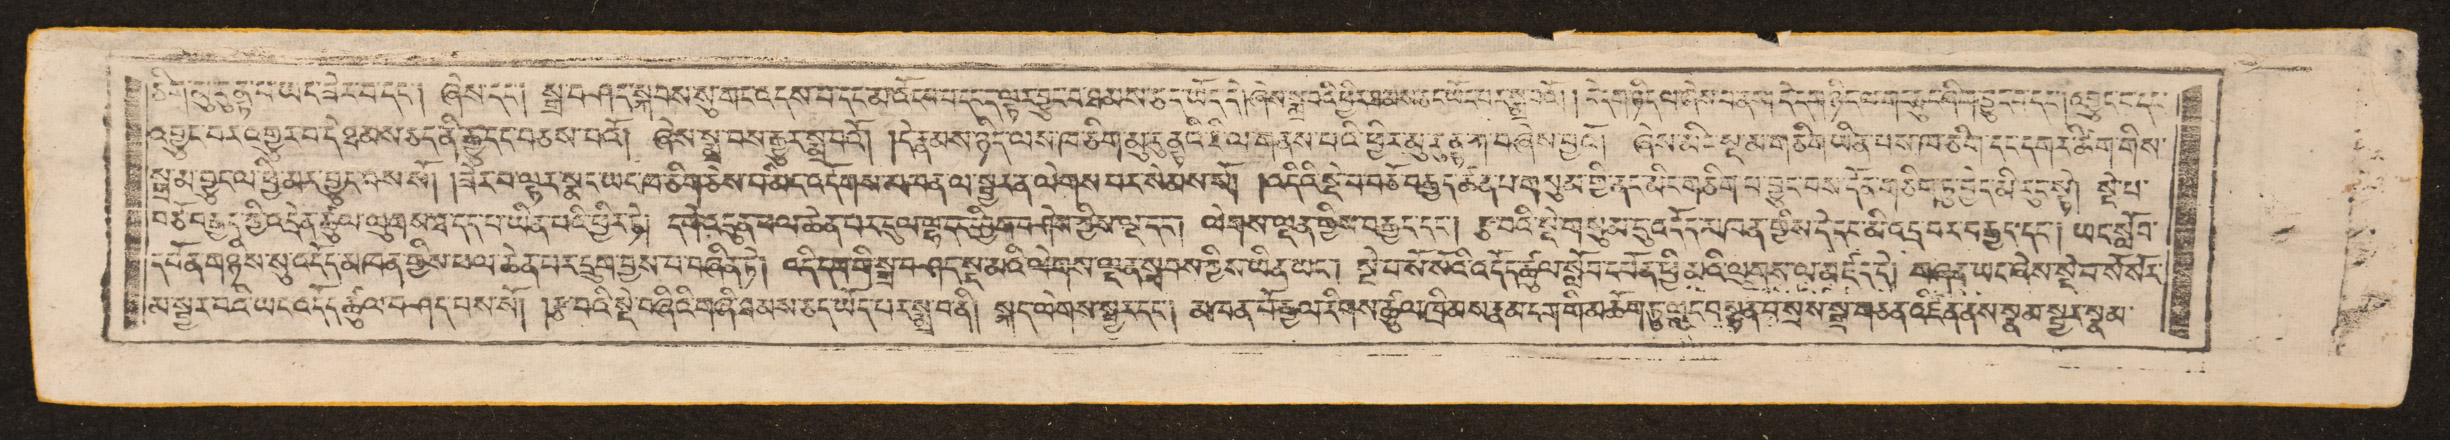ཅིག་མུ་རུནྟ་པ་ཡང་ཟེར་བ་དང་། ཞེས་དང་། སྒྲ་བཤད་སྐབས་སུ་གང་འདས་པ་དང་མ་འོངས་པ་དང་ད་ལྟར་བྱུང་བ་ཐམས་ཅད་ཡོད་དེ། ཞེས་སྨྲ་བའི་ཕྱིར་ཐམས་ཅད་ཡོད་པར་སྨྲ་བའོ། །དེ་དག་ཉིད་ལ་ཞེས་པ་ནས། དེ་དག་ཉིད་ལ་གང་ཅུང་ཞིག་བྱུང་བ་དང་། འབྱུང་ང་དང་
འབྱུང་བར་འགྱུར་བ་དེ་ཐམས་ཅད་ནི་རྒྱུ་དང་བཅས་པའོ། ཞེས་སྨྲ་བས་རྒྱུར་སྨྲ་བའོ། །དེ་རྣམས་ཉིད་ལས་ཁ་ཅིག་མུ་རུནྟའི་རི་ལ་གནས་པའི་ཕྱིར་མུ་རུནྟ་ཀ་བ་ཞེས་བྱའོ། ཞེས་མིང་སྔ་མ་གཅིག་ཡིན་པས་ཁ་ཅིག་དང་དགར་ཚིག་གིས་
སྒྲ་མ་བྱུང་ལ་ཕྱི་མར་བྱུང་བས་སོ། །ཟེར་བ་ལྟར་སྣང་ཡང་ཁ་ཅིག་ཅེས་པ་མིང་འདོགས་མཁན་ལ་སྦྱར་ན་ལེགས་པར་སེམས་སོ། །འདིའི་སྡེ་པ་བཅོ་བརྒྱད་ཚན་པ་གསུམ་གྱི་ནང་མིང་གཅིག་པ་བྱུང་བས་དོན་གཅིག་ཏུ་བྱེད་མི་རུང་སྟེ། སྡེ་པ་
བཅོ་བརྒྱད་ཀྱི་འདྲེན་ཚུལ་ལུགས་ཐ་དད་པ་ཡིན་པའི་ཕྱིར་ཏེ། དགེ་འདུན་ཕལ་ཆེན་པར་དུལ་ལྷ་དང་དབྱིག་བཤེས་ཀྱིས་ལྔ་དང་། ལེགས་ལྡན་གྱིས་བརྒྱད་དང་། རྩ་བའི་སྡེ་གསུམ་དུ་འདོད་མཁན་གྱིས་དེ་དང་མི་འདྲ་བར་བརྒྱད་དང་། ཡང་སློབ་
དཔོན་གཉིས་སུ་འདོད་མཁན་གྱིས་ཕལ་ཆེན་པར་དྲུག་བྱས་པ་བཞིན་ཏེ། འདི་དག་གི་སྒྲ་བཤད་སྔ་མའི་ལེགས་ལྡན་སྐབས་ཀྱིས་ཡིན་ཡང་། སྡེ་པ་སོ་སོའི་འདོད་ཚུལ་སློབ་དཔོན་ཕྱི་མའི་ལུགས་ལ་མཛད་དེ། གཞན་ཡང་ཞེས་སྡེ་བ་སོ་སོར་
མ་སྦྱར་བའི་ཡང་འདོད་ཚུལ་བཤད་པས་སོ། །རྩ་བའི་སྡེ་བཞིའི་གཞི་ཐམས་ཅད་ཡོད་པར་སྨྲ་བ་ནི། སྐད་ལེགས་སྦྱར་དང་། མཁན་པོ་རྒྱལ་རིགས་ཚུལ་ཁྲིམས་རྣམ་དག་གི་མཆོག་ཏུ་ལུང་བསྟན་པ་སྲས་སྒྲ་གཅན་འཛིན་ནས་སྣམ་སྦྱར་སྣམ་